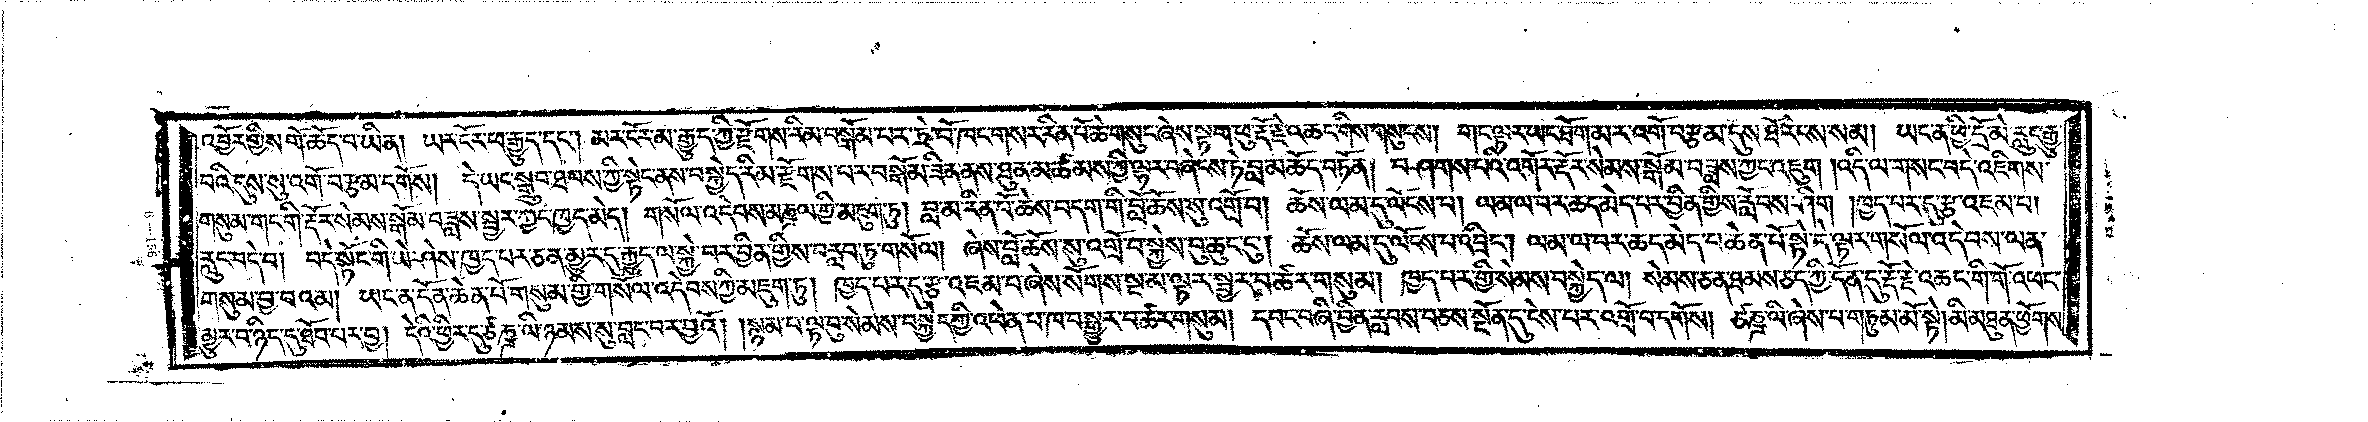འབྱོར་གྱིས་གོ་ཆོད་པ་ཡིན། ཡར་ངོར་ཕ་རྒྱུད་དང་། མར་ངོར་མ་རྒྱུད་ཀྱི་རྫོགས་རིམ་བསྒོམ་པར་ཏྲེ་བོ་ཁང་གསར་རིན་པོ་ཆེ་གསུང་ཞེས་སྟག་ཕུ་རྡོ་རྗེ་འཆང་གིས་གསུངས། གང་ལྟར་ཡང་ཐོག་མར་འགོ་བརྩམ་དུས་ཐོ་རེངས་སམ། ཡང་ན་ཕྱི་དྲོ་མེ་རླུང་རྒྱུ་
བའི་དུས་སུ་འགོ་བརྩམ་དགོས། དེ་ཡང་སྒྲུབ་ཐབས་ཀྱི་སྟེང་ནས་བསྐྱེད་རིམ་རྫོགས་པར་བསྒོམ་ཟིན་ནས་ཐུན་མཚམས་ཀྱི་ལྷར་བཞེངས་ཏེ་བླ་མཆོད་བཏོན། བཤགས་པའི་འགོར་རྡོར་སེམས་སྒོམ་བཟླས་ཀྱང་འཇུག །འདི་ལ་གསང་བདེ་འཇིགས་
གསུམ་གང་གི་རྡོར་སེམས་སྒོམ་བཟླས་སྦྱར་ཀྱང་ཁྱད་མེད། གསོལ་འདེབས་མཎྜལ་གྱི་མཇུག་ཏུ། བླ་མ་རིན་པོ་ཆེས་བདག་གི་བློ་ཆོས་སུ་འགྲོ་བ། ཆོས་ལམ་དུ་ལོངས་པ། ལམ་ལ་བར་ཆད་མེད་པར་བྱིན་གྱིས་རློབས་ཤིག །ཁྱད་པར་དུ་རྩ་འཇམ་པ།
རླུང་བདེ་བ། བདེ་སྟོང་གི་ཡེ་ཤེས་ཁྱད་པར་ཅན་མྱུར་དུ་རྒྱུད་ལ་སྐྱེ་བར་བྱིན་གྱིས་བརླབ་ཏུ་གསོལ། ཞེས་བློ་ཆོས་སུ་འགྲོ་བ་སྐྱེས་བུ་ཆུང་ངུ། ཆོས་ལམ་དུ་ལོངས་པ་འབྲིང་། ལམ་ལ་བར་ཆད་མེད་པ་ཆེན་པོ་སྟེ་དེ་ལྟར་གསོལ་འདེབས་ལན་
གསུམ་བྱ་བའམ། ཡང་ན་དོན་ཆེན་པོ་གསུམ་གྱི་གསོལ་འདེབས་ཀྱི་མཇུག་ཏུ། ཁྱད་པར་དུ་རྩ་འཇམ་པ་ཞེས་སོགས་སྔ་མ་ལྟར་སྦྱར་བ་ཚར་གསུམ། ཁྱད་པར་གྱི་སེམས་བསྐྱེད་ལ། སེམས་ཅན་ཐམས་ཅད་ཀྱི་དོན་དུ་རྡོ་རྗེ་འཆང་གི་གོ་འཕང་
མྱུར་བ་ཉིད་དུ་ཐོབ་པར་བྱ། དེའི་ཕྱིར་དུ་ཙཎྜ་ལི་ཉམས་སུ་བླང་བར་བྱའོ། །སྙམ་པ་ལྟ་བུ་སེམས་བསྐྱེད་གྱི་འཕེན་པ་ཁ་བསྒྱུར་བ་ཚར་གསུམ། དབང་བཞི་བྱིན་རླབས་བཅས་སྔོན་དུ་ངེས་པར་འགྲོ་བ་དགོས། ཙཎྜ་ལི་ཞེས་པ་གཏུམ་མོ་སྟེ། མི་མཐུན་ཕྱོགས་